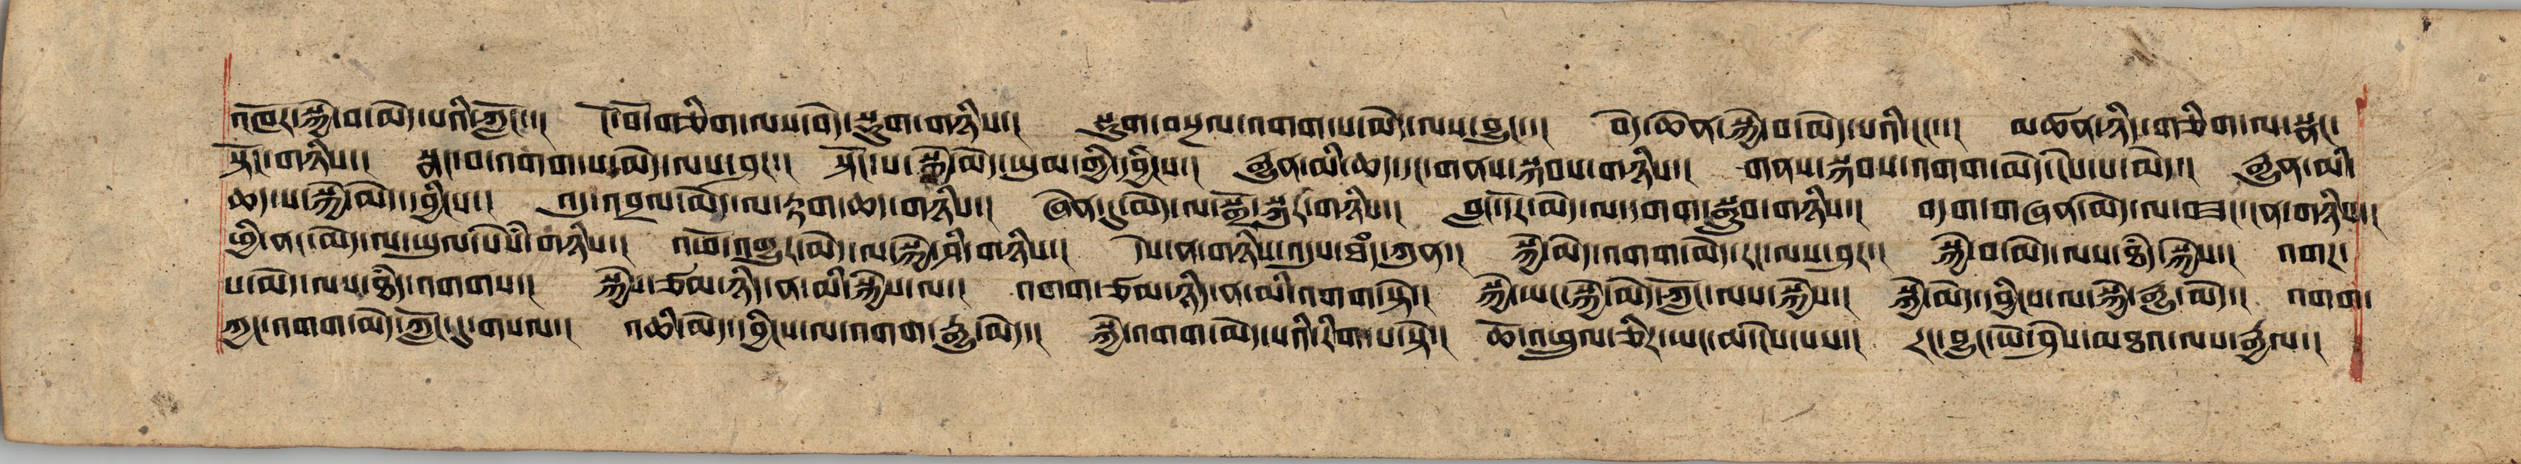འཁོར་སྐྱེ་བ་མེད་པའི་ཀློང་་། ངོ་བོ་གཅིག་ལས་བདེ་སྡུག་གཉིས་། སྡུག་བསྔལ་འགག་པ་མེད་ལས་བྱུང་་། བདེ་ཆེན་སྐྱེ་བ་མེད་པའི་ངང་་། མཚན་ཉིད་གཅིག་ལ་སྣང་
སྟོང་གཉིས་། སྣང་བ་འགག་པ་མེད་ལས་ཤར་། སྟོང་པ་སྐྱེ་མེད་ཡུམ་གྱི་དབྱིངས་། རྒྱུན་མི་ཆད་དང་གནས་སྐབས་གཉིས་། གནས་སྐབས་འགག་མེད་ངེས་པ་མེད་། རྒྱུན་མི་
ཆད་པ་སྐྱེ་མེད་དབྱིངས་། འདུ་འབྲལ་མེད་ལ་རྟག་ཆད་གཉིས་། ཞེན་དུ་མེད་ལ་སྒྲོ་སྐུར་གཉིས་། བླང་དོར་མེད་ལ་དགག་སྒྲུབ་གཉིས་། བདག་གཞན་མེད་ལ་བཟང་ངན་གཉིས་།
ཕྱི་ནང་མེད་ལ་ཡུལ་སེསཾ་གཉིས་། འཕོ་འགྱུར་མེད་ལ་སྐྱེ་ཤི་གཉིས་། དེས་ན་གཉིས་འདུས་ཐཾད་ཀུན་། སྐྱེ་མེད་འགག་མེད་རང་ལས་ཤར་། སྐྱེ་བ་མེད་ལས་ཐཾད་སྐྱེས་། འགཌ་
པ་མེད་ལས་ཐཾད་འགགས་། སྐྱེས་ཙམ་ཉིད་ན་མི་སྐྱེས་ལ་། འགག་ཙམ་ཉིད་ན་མི་འགག་སྟེ་། སྐྱེ་ཡང་སྐྱེ་མེད་ཀློང་ལས་སྐྱེས་། སྐྱེ་མེད་དབྱིངས་ལ་སྐྱེ་རྒྱུ་མེད་། འགག་
ཀྱང་འགག་མཻད་ཀློང་དུ་གསལ་། འཆི་མེད་དབྱིངས་ལ་འགག་རྒྱུ་མེད་། སྐྱེ་འགག་མེད་པའི་རིག་པ་སྟེ་། ཆོ་འཕྲུལ་ཅིར་ཡང་མ་ངེས་པས་། རང་བྱུང་ཡེ་ཤེས་མཐའ་ལས་རྒྱལ་།